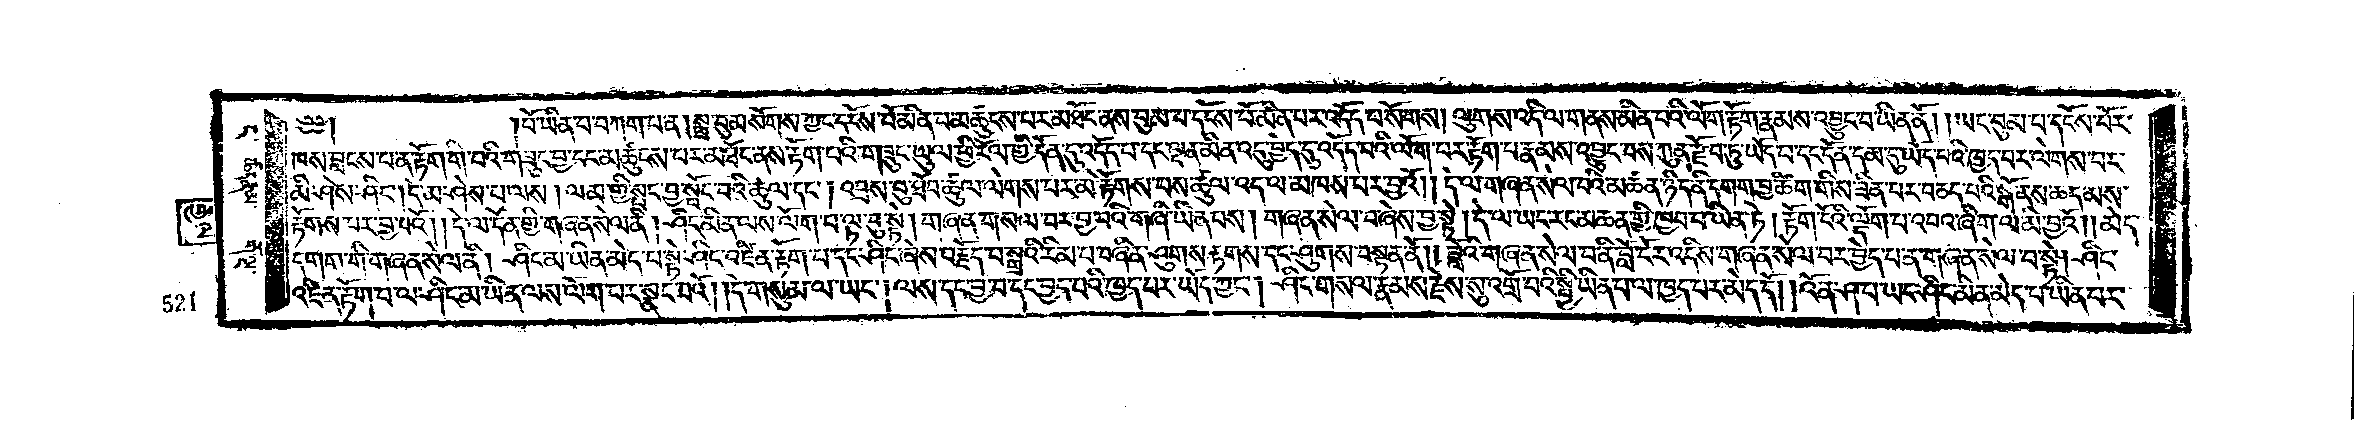༄༅། །པོ་ཡིན་པ་བཀག་པ་ན། སྒྲ་བུམ་སོགས་ཀྱང་དངོས་པོ་མིན་པ་མཚུངས་པར་མཐོང་ནས་བུམ་པ་དངོས་པོ་མིན་པར་འདོད་པ་སོགས། ལུགས་འདི་ལ་གནས་མིན་པའི་ལོག་རྟོག་རྣམས་འབྱུང་བ་ཡིན་ནོ། །ཡང་བུམ་པ་དངོས་པོར་
ཁས་བླངས་པ་ན་རྟོག་གི་པའི་གཟུང་བྱ་དང་མཚུངས་པར་མཐོང་ནས་རྟོག་པའི་གཟུང་ཡུལ་ཕྱི་རོལ་གྱི་དོན་དུ་འདོད་པ་དང་ལྡན་མིན་འདུ་བྱེད་དུ་འདོད་པའི་ལོག་པར་རྟོག་པ་རྣམས་འབྱུང་བས་ཀུན་རྫོབ་ཏུ་ཡོད་པ་དང་དོན་དམ་དུ་ཡོད་པའི་ཁྱད་པར་ལེགས་པར་
མི་ཤེས་ཤིང་། དེ་མ་ཤེས་པ་ལས། ལམ་གྱི་སྤང་བྱ་སྤོང་བའི་ཚུལ་དང་། འབྲས་བུ་ཐོབ་ཚུལ་ལེགས་པར་མི་རྟོགས་པས་ཚུལ་འདི་ལ་མཁས་པར་བྱའོ། །དེ་ལ་གཞན་སེལ་བའི་མཚན་ཉིད་ནི་དགག་བྱ་ཚིག་གིས་ཟིན་པར་བཅད་པའི་སྒོ་ནས་ཚད་མས་
རྟོགས་པར་བྱ་བའོ། །དེ་ལ་དོན་གྱི་གཞན་སེལ་ནི། ཤིང་མིན་ལས་ལོག་པ་ལྟ་བུ་སྟེ། གཞན་གསལ་བར་བྱ་བའི་གཞི་ཡིན་པས། གཞན་སེལ་བ་ཞེས་བྱ་སྟེ། དེ་ལ་ཡང་རང་མཚན་གྱི་ཁྱབ་པ་ཡིན་ཏེ། རྟོག་ངོའི་ལྡོག་པ་འབའ་ཞིག་ལ་མི་བྱའོ། །མེད་
དགག་གི་གཞན་སེམས་ནི། ཤིང་མ་ཡིན་མེད་པ་ལྟེ་ཤིང་འཛིན་རྟོག་པ་དང་ཤིང་ཞེས་བརྗོད་པ་སྒྲའི་རིམ་པ་བཞིན་ཤུགས་རྟགས་དང་ཤུགས་བསྟན་ནོ། །ཟློའི་གཞན་སེལ་བ་ནི་བློ་ངོར་འདིས་གཞན་སེལ་བར་བྱེད་པ་ན་གཞན་སེལ་བ་སྟེ། ཤིང་
འཛིན་རྟོག་པ་ལ་ཤིང་མ་ཡིན་ལས་ལོག་པར་སྣང་བའོ། །དེ་གསུམ་ལ་ཡང་། ལས་དང་བྱ་བ་དང་བྱེད་པའི་ཁྱད་པར་ཡོད་ཀྱང་། ཤིང་གསལ་རྣམས་རྗེས་སུ་འགྲོ་བའི་སྤྱི་ཡིན་པ་ལ་ཁྱད་པར་མེད་དོ། །འོ་ན་ཤ་པ་ཡང་ཤིང་མིན་མེད་པ་ཡིན་པར་